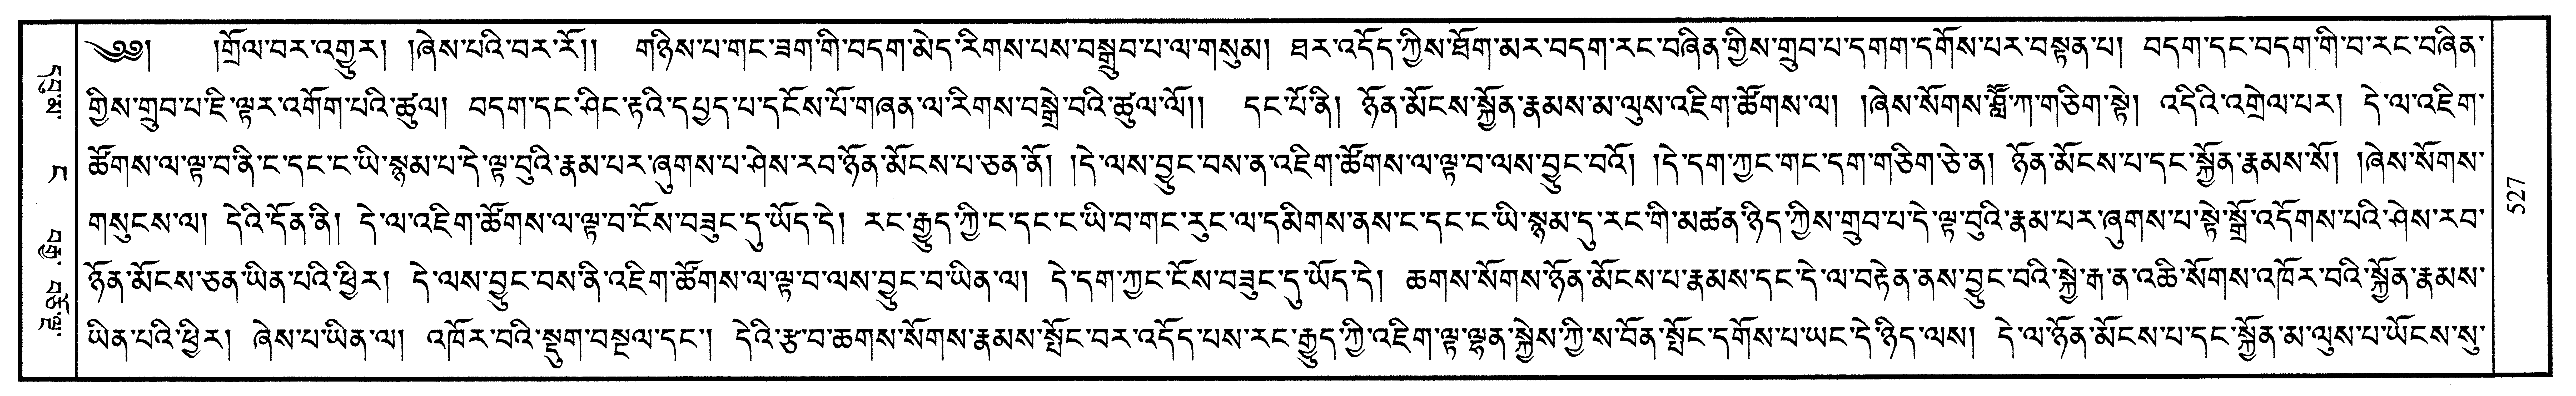༄༅། །གྲོལ་བར་འགྱུར། །ཞེས་པའི་བར་རོ།། གཉིས་པ་གང་ཟག་གི་བདག་མེད་རིགས་པས་བསྒྲུབ་པ་ལ་གསུམ། ཐར་འདོད་ཀྱིས་ཐོག་མར་བདག་རང་བཞིན་གྱིས་གྲུབ་པ་དགག་དགོས་པར་བསྟན་པ། བདག་དང་བདག་གི་བ་རང་བཞིན་
གྱིས་གྲུབ་པ་ཇི་ལྟར་འགོག་པའི་ཚུལ། བདག་དང་ཤིང་རྟའི་དཔྱད་པ་དངོས་པོ་གཞན་ལ་རིགས་བསྒྲེ་བའི་ཚུལ་ལོ།། དང་པོ་ནི། ཉོན་མོངས་སྐྱོན་རྣམས་མ་ལུས་འཇིག་ཚོགས་ལ། །ཞེས་སོགས་ཤླཽ་ཀ་གཅིག་སྟེ། འདིའི་འགྲེལ་པར། དེ་ལ་འཇིག་
ཚོགས་ལ་ལྟ་བ་ནི་ང་དང་ང་ཡི་སྙམ་པ་དེ་ལྟ་བུའི་རྣམ་པར་ཞུགས་པ་ཤེས་རབ་ཉོན་མོངས་པ་ཅན་ནོ། །དེ་ལས་བྱུང་བས་ན་འཇིག་ཚོགས་ལ་ལྟ་བ་ལས་བྱུང་བའོ། །དེ་དག་ཀྱང་གང་དག་གཅིག་ཅེ་ན། ཉོན་མོངས་པ་དང་སྐྱོན་རྣམས་སོ། །ཞེས་སོགས་
གསུངས་ལ། དེའི་དོན་ནི། དེ་ལ་འཇིག་ཚོགས་ལ་ལྟ་བ་ངོས་བཟུང་དུ་ཡོད་དེ། རང་རྒྱུད་ཀྱི་ང་དང་ང་ཡི་བ་གང་རུང་ལ་དམིགས་ནས་ང་དང་ང་ཡི་སྙམ་དུ་རང་གི་མཚན་ཉིད་ཀྱིས་གྲུབ་པ་དེ་ལྟ་བུའི་རྣམ་པར་ཞུགས་པ་སྟེ་སྒྲོ་འདོགས་པའི་ཤེས་རབ་
ཉོན་མོངས་ཅན་ཡིན་པའི་ཕྱིར། དེ་ལས་བྱུང་བས་ནི་འཇིག་ཚོགས་ལ་ལྟ་བ་ལས་བྱུང་བ་ཡིན་ལ། དེ་དག་ཀྱང་ངོས་བཟུང་དུ་ཡོད་དེ། ཆགས་སོགས་ཉོན་མོངས་པ་རྣམས་དང་དེ་ལ་བརྟེན་ནས་བྱུང་བའི་སྐྱེ་རྒ་ན་འཆི་སོགས་འཁོར་བའི་སྐྱོན་རྣམས་
ཡིན་པའི་ཕྱིར། ཞེས་པ་ཡིན་ལ། འཁོར་བའི་སྡུག་བསྔལ་དང་། དེའི་རྩ་བ་ཆགས་སོགས་རྣམས་སྤོང་བར་འདོད་པས་རང་རྒྱུད་ཀྱི་འཇིག་ལྟ་ལྷན་སྐྱེས་ཀྱི་ས་བོན་སྤོང་དགོས་པ་ཡང་དེ་ཉིད་ལས། དེ་ལ་ཉོན་མོངས་པ་དང་སྐྱོན་མ་ལུས་པ་ཡོངས་སུ་